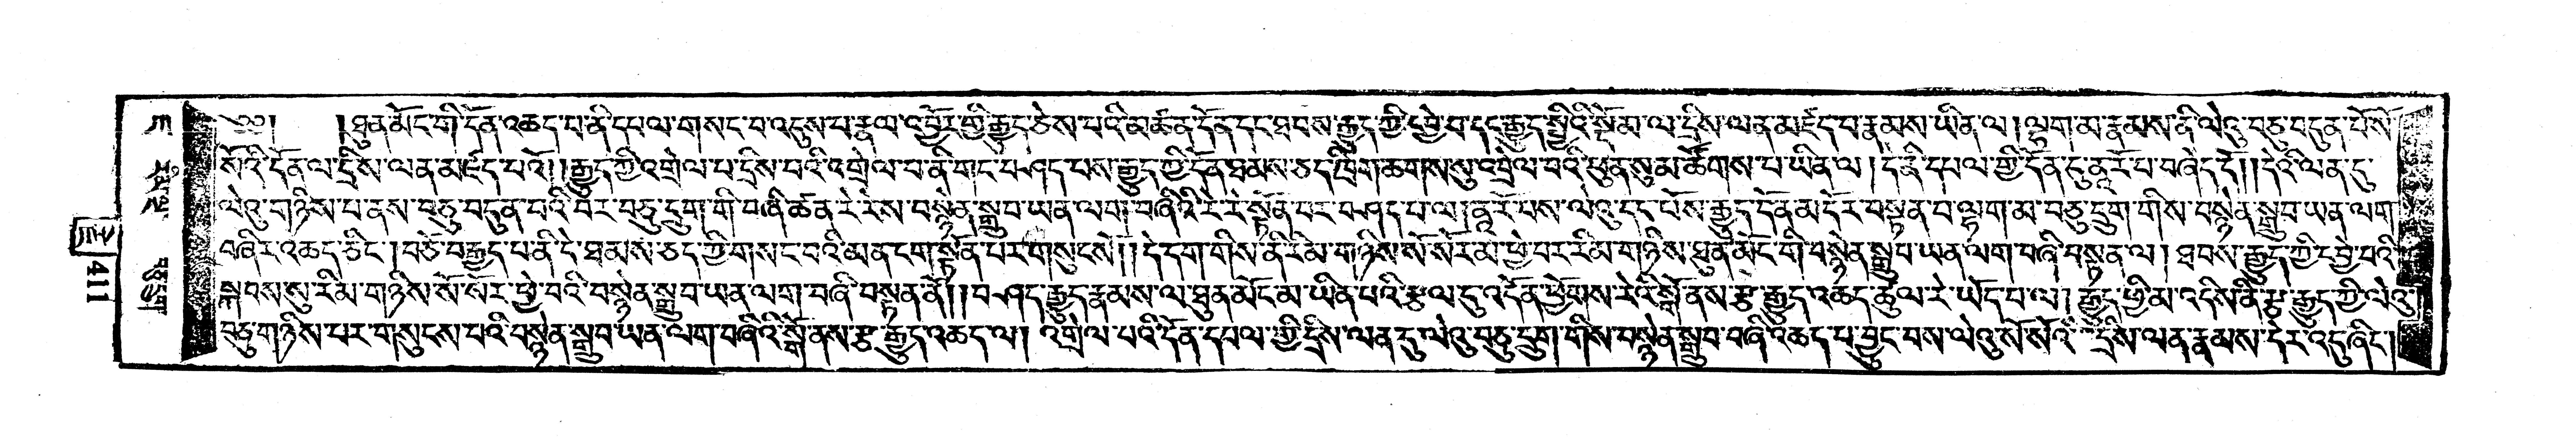༄༅། །ཐུན་མོང་གི་དོན་འཆད་པ་ནི་དཔལ་གསང་བ་འདུས་པ་རྣལ་འབྱོར་གྱི་རྒྱུད་ཅེས་པའི་མཚན་དོན་དང་ཐབས་རྒྱུད་ཀྱི་དབྱེ་བ་དང་རྒྱུད་སྤྱིའི་སྡོམ་ལ་དྲིས་ལན་མཛད་པ་རྣམས་ཡིན་ལ། ལྷག་མ་རྣམས་ནི་ལེའུ་བཅུ་བདུན་པོ་སོ་
སོའི་དོན་ལ་དྲིས་ལན་མཛད་པའོ། །རྒྱུད་ཀྱི་འགྲེལ་པ་དྲིས་པའི་འགྲེལ་པ་ནི་གང་བཤད་པས་རྒྱུད་ཀྱི་དོན་ཐམས་ཅད་ཁྲིག་ཆགས་སུ་འབྲེལ་བའི་ཕུན་སུམ་ཚོགས་པ་ཡིན་ལ། དེ་ནི་དཔལ་གྱི་དོན་དུ་ནཱ་རོ་པ་བཞེད་དོ། །དེའི་ལན་དུ་
ལེའུ་གཉིས་པ་ནས་བཅུ་བདུན་པའི་བར་བཅུ་དྲུག་གི་བཞི་ཚན་རེ་རེས་བསྙེན་སྒྲུབ་ཡན་ལག་བཞིའི་རེ་རེ་སྟོན་པར་བཤད་པ་ལ། ནཱ་རོ་པས་ལེའུ་དང་པོས་རྒྱུད་དོན་མདོར་བསྟན་པ་ལྷག་མ་བཅུ་དྲུག་གིས་བསྙེན་སྒྲུབ་ཡན་ལག་
བཞིར་འཆད་ཅིང་། བཅོ་བརྒྱད་པ་ནི་དེ་ཐམས་ཅད་ཀྱི་གསང་བའི་མན་ངག་སྟོན་པར་གསུངས་སོ། །དེ་དག་གིས་ནི་རིམ་གཉིས་སོ་སོར་མ་ཕྱེ་བར་རིམ་གཉིས་ཐུན་མོང་གི་བསྙེན་སྒྲུབ་ཡན་ལག་བཞི་བསྟན་ལ། ཐབས་རྒྱུད་ཀྱི་དབྱེ་བའི་
སྐབས་སུ་རིམ་གཉིས་སོ་སོར་ཕྱེ་བའི་བསྙེན་སྒྲུབ་ཡན་ལག་བཞི་བསྟན་ནོ། །བཤད་རྒྱུད་རྣམས་ལ་ཐུན་མོང་མ་ཡིན་པའི་རྩལ་དུ་འདོན་ཕྱོགས་རེའི་སྒོ་ནས་རྩ་རྒྱུད་འཆད་ཚུལ་རེ་ཡོད་པ་ལ། རྒྱུད་ཕྱི་མ་འདིས་ནི་རྩ་རྒྱུད་ཀྱི་ལེའུ་
བཅུ་གཉིས་པར་གསུངས་པའི་བསྙེན་སྒྲུབ་ཡན་ལག་བཞིའི་སྒོ་ནས་རྩ་རྒྱུད་འཆད་ལ། འགྲེལ་པའི་དོན་དཔལ་གྱི་དྲིས་ལན་དུ་ལེའུ་བཅུ་དྲུག་གིས་བསྙེན་སྒྲུབ་བཞི་འཆད་པ་བྱུང་བས་ལེའུ་སོ་སོའི་དྲིས་ལན་རྣམས་དེར་འདུ་ཞིང་།